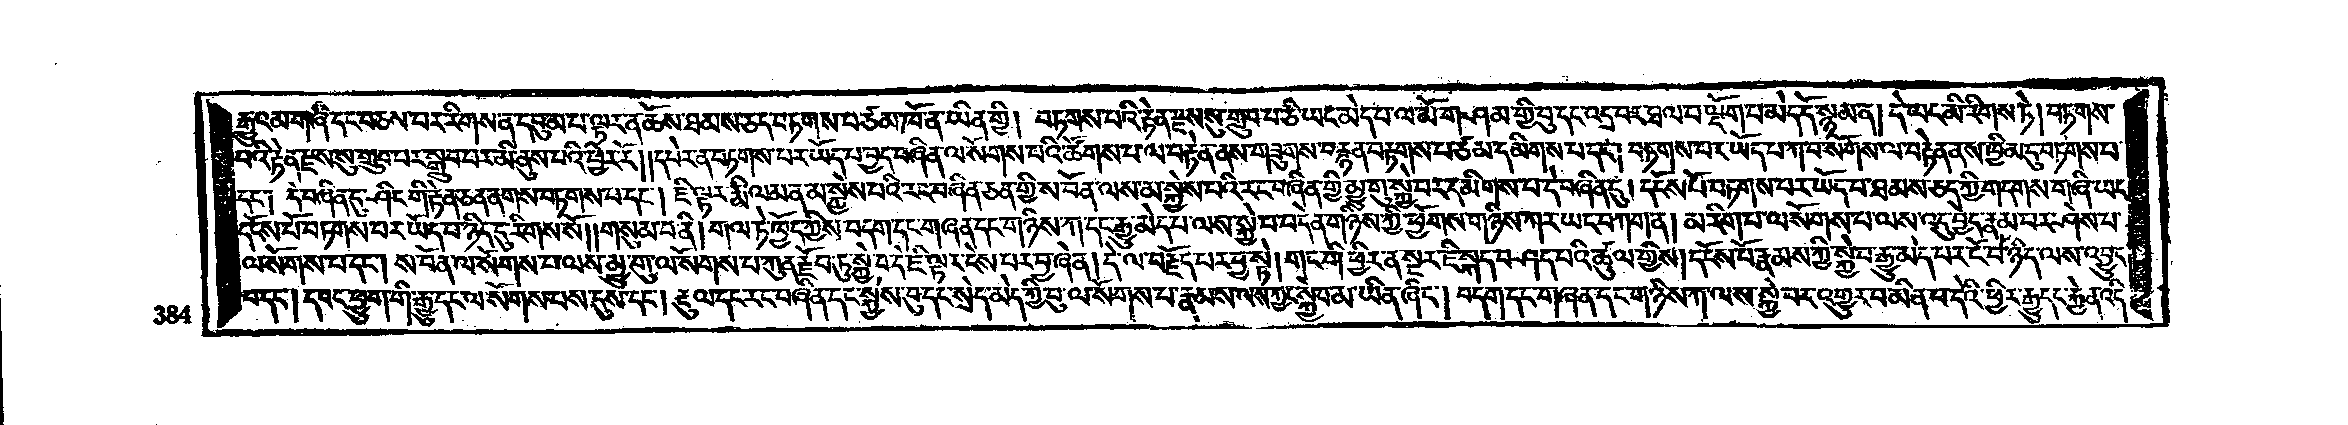རྒྱུ་འམ་གཞི་དང་བཅས་པར་རིགས་ན་དབུ་མ་པ་ལྟར་ན་ཆོས་ཐམས་ཅད་བཏགས་པ་ཙམ་ཁོ་ན་ཡིན་གྱི། བཏགས་པའི་རྟེན་རྫས་སུ་གྲུབ་པ་ཅི་ཡང་མེད་པ་ལ་མོ་གཤམ་གྱི་བུ་དང་འདྲ་བར་ཐལ་བ་ལྡོག་པ་མེད་དོ་སྙམ་ན། དེ་ཡང་མི་རིགས་ཏེ། བཏགས་
པའི་རྟེན་རྫས་སུ་གྲུབ་པར་སྒྲུབ་པར་མི་ནུས་པའི་ཕྱིར་རོ། །དཔེར་ན་བཏགས་པར་ཡོད་པ་བྱད་བཞིན་ལ་སོགས་པའི་ཚོགས་པ་ལ་བརྟེན་ནས་གཟུགས་བརྙན་བརྟགས་པ་ཙམ་དམིགས་པ་དང་། བཏགས་པར་ཡོད་པ་ཀ་བ་སོགས་ལ་བརྟེན་ནས་ཁྱིམ་དུ་བཏགས་པ་
དང་། དེ་བཞིན་དུ་ཤིང་གི་རྟེན་ཅན་ནགས་བཏགས་པ་དང་། ཇི་ལྟར་རྨི་ལམ་ན་མ་སྐྱེས་པའི་རང་བཞིན་ཅན་གྱི་ས་བོན་ལས་མ་སྐྱེས་པའི་རང་བཞིན་གྱི་མྱུ་གུ་སྐྱེ་བར་དམིགས་པ་དེ་བཞིན་དུ། དངོས་པོ་བཏགས་པར་ཡོད་པ་ཐམས་ཅད་ཀྱི་གདགས་གཞི་ཡང་
དངོས་པོ་བཏགས་པར་ཡོད་པ་ཉིད་དུ་རིགས་སོ། །གསུམ་པ་ནི། གལ་ཏེ་ཁྱོད་ཀྱིས་བདག་དང་གཞན་དང་གཉིས་ཀ་དང་རྒྱུ་མེད་པ་ལས་སྐྱེ་བ་བདེན་གཉིས་ཀྱི་ཕྱོགས་གཉིས་ཀར་ཡང་བཀག་ན། མ་རིག་པ་ལ་སོགས་པ་ལས་འདུ་བྱེད་རྣམ་པར་ཤེས་པ་
ལ་སོགས་པ་དང་། ས་བོན་ལ་སོགས་པ་ལས་མྱུ་གུ་ལ་སོགས་པ་ཀུན་རྫོབ་ཏུ་སྐྱེ་བ་དེ་ཇི་ལྟར་ངེས་པར་བྱ་ཞེ་ན། དེ་ལ་བརྗོད་པར་བྱ་སྟེ། གང་གི་ཕྱིར་ན་སྔར་ཇི་སྐད་བཤད་པའི་ཚུལ་གྱིས། དངོས་པོ་རྣམས་ཀྱི་སྐྱེ་བ་རྒྱུ་མེད་པར་ངོ་བོ་ཉིད་ལས་འབྱུང་
བ་དང་། དབང་ཕྱུག་གི་རྒྱུ་དང་ལ་སོགས་པས་དུས་དང་། རྡུལ་དང་རང་བཞིན་དང་སྐྱེས་བུ་དང་སྲེད་མེད་ཀྱི་བུ་ལ་སོགས་པ་རྣམས་ལས་ཀྱང་སྐྱེ་བ་མ་ཡིན་ཞིང་། བདག་དང་གཞན་དང་གཉིས་ཀ་ལས་སྐྱེ་བར་འགྱུར་བ་མིན་པ་དེའི་ཕྱིར་རྒྱུ་དང་རྐྱེན་འདི་